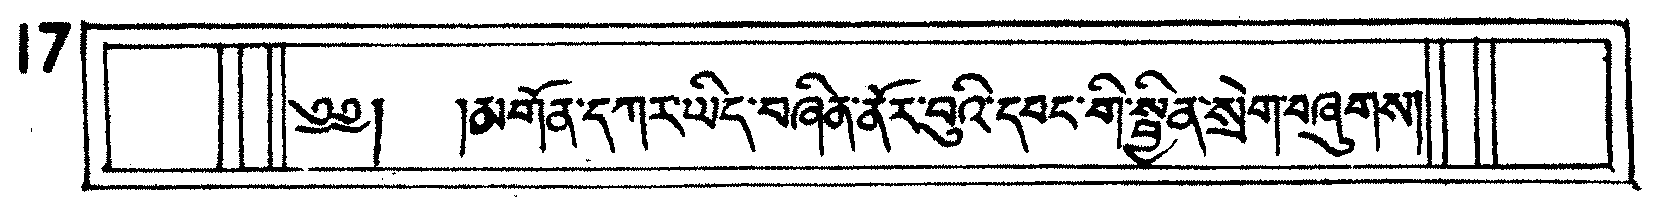༄༅། །མགོན་དཀར་ཡིད་བཞིན་ནོར་བུའི་དབང་གི་སྦྱིན་སྲེག་བཞུགས། །